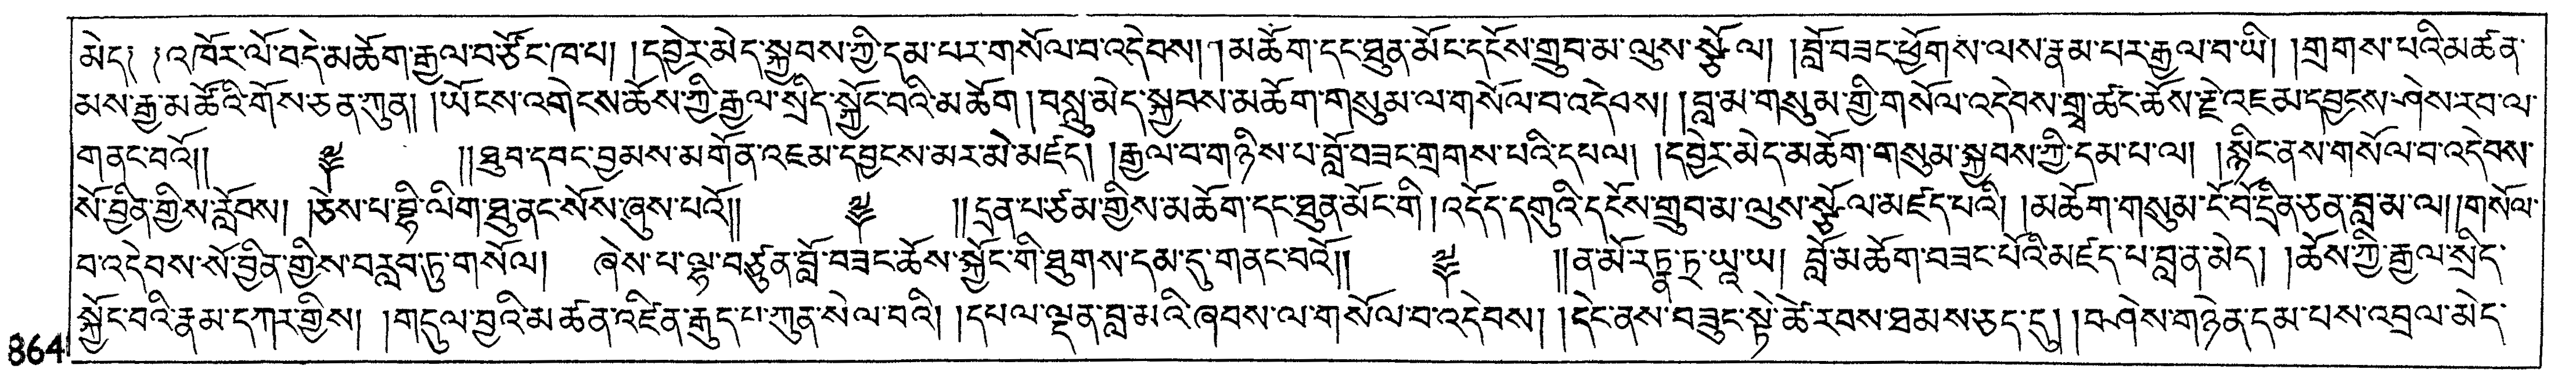མེད༑ ༑འཁོར་ལོ་བདེ་མཆོག་རྒྱལ་བ་ཙོང་ཁ་པ། །དབྱེར་མེད་སྐྱབས་ཀྱི་དམ་པར་གསོལ་བ་འདེབས། །མཆོག་དང་ཐུན་མོང་དངོས་གྲུབ་མ་ལུས་སྩོལ། །བློ་བཟང་ཕྱོགས་ལས་རྣམ་པར་རྒྱལ་བ་ཡི། །གྲགས་པའི་མཚན་
མས་རྒྱ་མཚོའི་གོས་ཅན་ཀུན། །ཡོངས་འགེངས་ཆོས་ཀྱི་རྒྱལ་སྲིད་སྐྱོང་བའི་མཆོག །བསླུ་མེད་སྐྱབས་མཆོག་གསུམ་ལ་གསོལ་བ་འདེབས། །བླ་མ་གསུམ་གྱི་གསོལ་འདེབས་གྲྭ་ཚང་ཆོས་རྗེ་འཇམ་དབྱངས་ཤེས་རབ་ལ་
གནང་བའོ།། ༈ །།ཐུབ་དབང་བྱམས་མགོན་འཇམ་དབྱངས་མར་མེ་མཛད། །རྒྱལ་བ་གཉིས་པ་བློ་བཟང་གྲགས་པའི་དཔལ། །དབྱེར་མེད་མཆོག་གསུམ་སྐྱབས་ཀྱི་དམ་པ་ལ། །སྙིང་ནས་གསོལ་བ་འདེབས་
སོ་བྱིན་གྱིས་རློབས། །ཅེས་པ་བྷི་ལིག་ཐུ་ནང་སོས་ཞུས་པའོ།། ༈ །།དྲན་པ་ཙམ་གྱིས་མཆོག་དང་ཐུན་མོང་གི །འདོད་དགུའི་དངོས་གྲུབ་མ་ལུས་སྩོལ་མཛད་པའི། །མཆོག་གསུམ་ངོ་བོ་དྲིན་ཅན་བླ་མ་ལ། །གསོལ་
བ་འདེབས་སོ་བྱིན་གྱིས་བརླབ་ཏུ་གསོལ། ཞེས་པ་ལྷ་བཙུན་བློ་བཟང་ཆོས་སྐྱོང་གི་ཐུགས་དམ་དུ་གནང་བའོ།། ༈ །།ན་མོ་རཏྣ་ཏྲ་ཡཱ་ཡ། བློ་མཆོག་བཟང་པོའི་མཛད་པ་བླ་ན་མེད། །ཆོས་ཀྱི་རྒྱལ་སྲིད་
སྐྱོང་བའི་རྣམ་དཀར་གྱིས། །གདུལ་བྱའི་མཚན་འཛིན་རྒུད་པ་ཀུན་སེལ་བའི། །དཔལ་ལྡན་བླ་མའི་ཞབས་ལ་གསོལ་བ་འདེབས། །དེང་ནས་བཟུང་སྟེ་ཚེ་རབས་ཐམས་ཅད་དུ། །བཤེས་གཉེན་དམ་པས་འབྲལ་མེད་